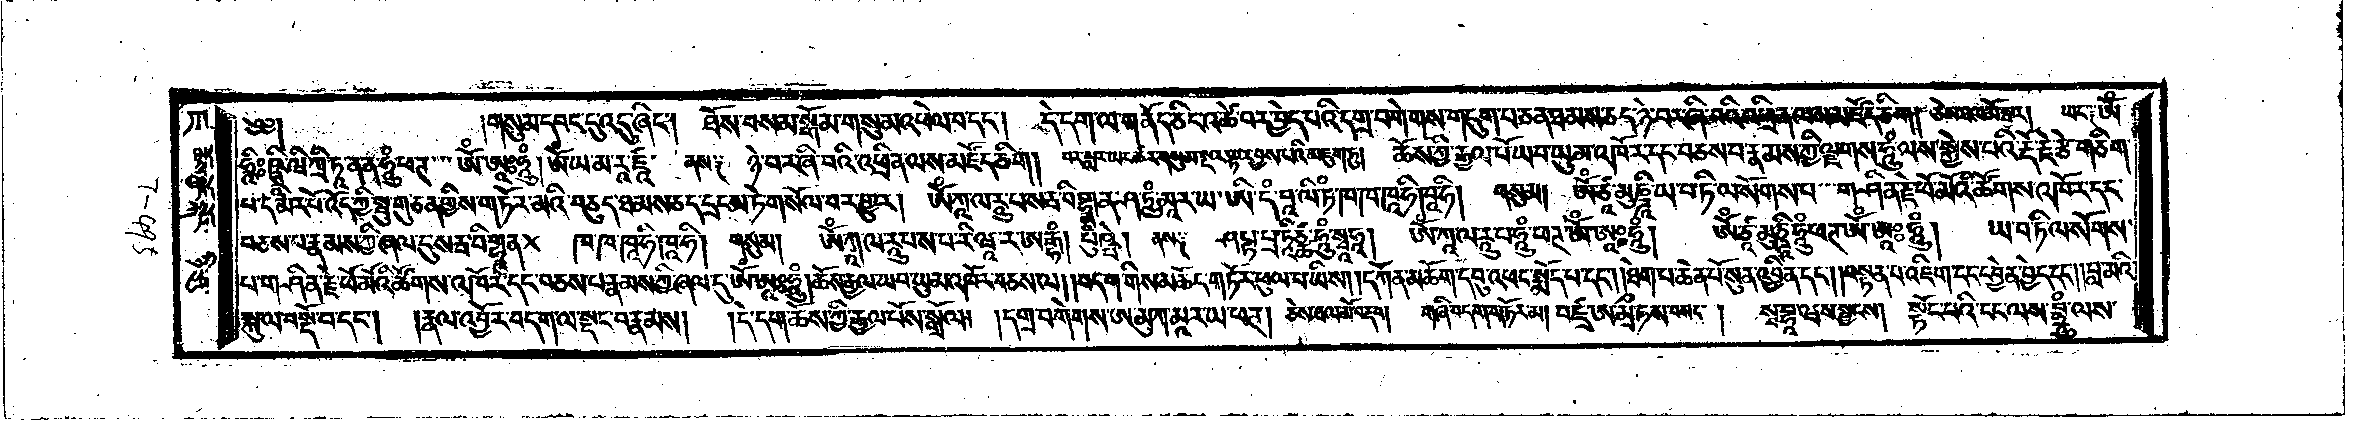༄༅། །གསུམ་དབང་དུ་འདུ་ཞིང་། ཐོས་བསམ་སྒོམ་གསུམ་འཕེལ་པ་དང་། དེ་དག་ལ་གནོད་ཅིང་འཚེ་བར་བྱེད་པའི་དགྲ་བགེགས་གདུག་པ་ཅན་ཐམས་ཅད་ཉེ་བར་ཞི་བའི་འཕྲིན་ལས་མཛོད་ཅིག། ཅེས་ཐལ་མོ་སྦྱར། ཡང༑  ཨོཾ་
ཧྲཱིཿཥཊཿརཱི་ཝི་ཀྲི་ཏཱ་ན་ན་ཧཱུཾ་ཕཊ། ཨོཾ་ཨཱཿཧཱུཾ། ཨོཾ་ཡ་མ་རཱ་ཛཱ། ནས༑  ཉེ་བར་ཞི་བའི་འཕྲིན་ལས་མཛོད་ཅིག། བར་སླར་ཡང་ཚར་གསུམ་སྔར་ལྟར་བྱས་པ་རི་མཇུག་ཏུ།  ཆོས་ཀྱི་རྒྱལ་པོ་ཡབ་ཡུམ་འཁོར་དང་བཅས་པ་རྣམས་ཀྱི་ལྗགས་ཧཱུཾ་ལས་སྐྱེས་པའི་རྡོ་རྗེ་རྩེ་གཅིག་
པ་དམར་པོ་འོད་ཀྱི་སྤུ་གུ་ཅན་གྱིས་གཏོར་མའི་བཅུད་ཐམས་ཅད་དྲངས་ཏེ་གསོལ་བར་གྱུར། ཨོཾ་ཀཱ་ལ་རཱུ་པ་སརྦ་བིགྷྣཱ་ཤ་ཧྲཱུཾ་མཱ་ཡ་ཨི་དཾ་བཱ་ལིཏཾ་ཁ་ཁ་ཁཱ་ཧི་ཁཱ་ཧི། གསུམ། ཨོཾ་ཙཱ་མུཎྜཱི་ཡ་བ་ཏི་ལ་སོགས་པ་གཤིན་རྗེ་ཕོ་མོའི་ཚོགས་འཁོར་དང་
བཅས་པ་རྣམས་ཀྱི་ཞལ་དུ་སརྦ་བིགྷན་྾་ཁ་ཁ་ཁཱ་ཧི་ཁཱ་ཧི། གསུམ།  ཨོཾ་ཀཱ་ལ་རཱུ་པ་ས་པ་རི་ཝཱ་ར་ཨརྒྷཾ། པུཥཊཿཨེ། ནས༑  ཤཔྟ་པྲ་ཏཱིཙྪ་ཧཱུཾ་སྭཱཧཱ། ཨོཾ་ཀཱ་ལ་རཱུ་པ་ཧཱུཾ་ཕཊ་ཨོཾ་ཨཱཿཧཱུཾ། ཨོཾ་ཙཱ་མུཎྚྷི་ཧཱུཾ་ཕཊ་ཨོཾ་ཨཱཿཧཱུཾ། ཡབ་ཏི་ལ་སོགས་
པ་གཤིན་རྗེ་ཕོ་མོའི་ཚོགས་འཁོར་དང་བཅས་པ་རྣམས་ཀྱི་ཞལ་དུ་ཨོཾ་ཨཱཿཧཱུཾ། ཆོས་རྒྱལ་ཡབ་ཡུམ་འཁོར་བཅས་ལ། །བདག་གིས་མཆོད་གཏོར་ཕུལ་བ་ཡིས། །དཀོན་མཆོག་དབུ་འཕང་སྨོད་པ་དང་། །ཐེག་པ་ཆེན་པོ་སུན་འབྱིན་དང་། །བསྟན་པ་འཕིག་དང་དབྱེན་བྱེད་དང་། །བླ་མའི་
སྐུལ་བསྔོ་བ་དང་། །རྣལ་འབྱོར་བདག་ལ་སྡང་བ་རྣམས། །དེ་དག་ཆོས་ཀྱི་རྒྱལ་པོས་སྒྲོལ། །དགྲ་བགེགས་ཨ་མུཀམཱ་ར་ཡ་ཕཊ། ཅེས་ཐལ་མོ་བརྡའ། གཞི་བདག་གཏོར་མ།  བཛྲ་ཨམྲྀ་ཏས་བསང་། སཱཕཱ་ཝས་སྦྱངས།  སྟོང་པའི་ངང་ལས་བྷཱུཾ་ལས་